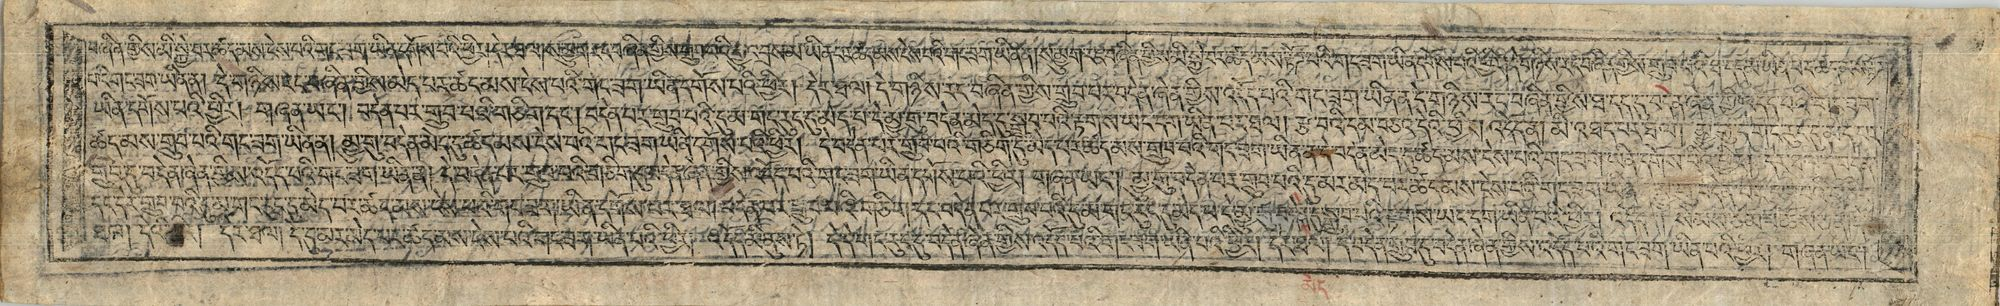བཞིན་གྱིས་མི་སྐྱེ་བར་ཚད་མས་ངེས་པའི་གང་ཟག་ཡིན་དགོས་པའི་ཕྱིར། དེར་ཐལ། ས་མྱུག་རང་བཞིན་གྱིས་གྲུབ་པའི་རྒྱུ་འབྲས་མ་ཡིན་པར་ཚད་མས་ངེས་པའི་གང་ཟག་ཡིན་ན། ས་མྱུག་རང་བཞིན་གྱིས་མི་སྐྱེ་བར་ཚད་མས་རྟོཌ་པའི་གང་ཟག་ཡིན་དགོས་པའི་ཕྱིར། དེ་གཉིས་རང་བཞིན་གྱིས་གྲུབ་པའི་ཐ་དད་མ་ཡིན་པར་ཚད་མས་རྟོཌ་
པའི་གང་ཟག་ཡིན་ན། དེ་གཉིས་རང་བཞིན་གྱིས་མེད་པར་ཚད་མས་ངེས་པའི་གང་ཟག་ཡིན་དགོས་པའི་ཕྱིར། དེར་ཐལ། དེ་གཉིས་རང་བཞིན་གྱིས་གྲུབ་པར་བདེན་ཞེན་གྱིས་འདོད་པའི་གང་ཟག་ཡིན་ན་དེ་གཉིས་རང་བཞིན་གྱིས་ཐ་དད་དུ་བདེན་ཞེན་གྱི་འདོད་པའི་གང་ཟག་
ཡིན་དགོས་པའི་ཕྱིར། གཞན་ཡང་། བདེན་པར་གྲུབ་པའི་གཅིག་དང་། བདེན་པར་གྲུབ་པའི་དུ་མ་གང་རུང་དུ་མེད་པ་དེ་མྱུ་གུ་བདེན་མེད་དུ་སྒྲུབ་པའི་རྟགས་ཡང་དག་ཡིན་པར་ཐལ། རྩ་བའི་དམ་བཅའ་དེའི་ཕྱིར། འདོད་ན། མི་འཐད་པར་ཐལ། མྱུ་གུ་དེ་གང་རུང་དུ་མེད་པར་
ཚད་མས་གྲུབ་པའི་གང་ཟག་ཡིན་ན། མྱུ་གུ་བདེན་མེད་དུ་ཚད་མས་ངེས་པའི་གང་ཟག་ཡིན་དགོས་པའི་ཕྱིར། དེ་བདེན་པར་གྲུབ་པའི་གཅིག་དུ་མེད་པར་ཚད་མས་གྲུབ་པའི་གང་ཟག་ཡིན་ན་དེ་བདེན་མེད་དུ་ཚད་མས་ངེས་པའི་གང་ཟག་ཡིན་དགོས་པའི་ཕྱིར། དེར་ཐལ་དེ་བདེན་
གྲུབ་དུ་བདེན་ཞེན་གྱིས་འདོད་པའི་གང་ཟག་ཡིན་ན། དེ་བདེན་པར་གྲུབ་པའི་གཅིག་དུ་བདེན་ཞེན་གྱིས་འདོད་པའི་གང་ཟག་ཡིན་དགོས་པའི་ཕྱིར། གཞན་ཡང་། མྱུ་གུ་བདེན་པར་གྲུབ་པའི་དུ་མར་མེད་པར་ཚད་མས་ངེས་པའི་གང་ཟག་ཡིན་ན་མྱུ་གུ་བདེན་པར་གྲུབ་པའི་གཅིག་
དང་དེར་གྲུབ་པའི་དུ་མ་གང་རུང་དུ་མེད་པར་ཚད་མས་ངེས་པའི་གང་ཟག་ཡིན་དགོས་པར་ཐལ། བདེན་པར་གྲུབ་པའི་གཅིག་དང་བདེན་པར་གྲུབ་པའི་དུ་མ་གང་རུང་དུ་མེད་པ་དེ་མྱུ་གུ་བདེན་མེད་?་དུ་སྒྲུབ་པའི་རྟགས་ཡང་དག་ཡིན་པའི་ཕྱིར། འདོད་ན། སེམས་ཙམ་པ་ཆོས་ཅན། དེར་
ཐལ། དེའི་ཕྱིར། དེར་ཐལ། དེ་དུ་མར་མེད་པར་ཚད་མས་ངེས་པའི་གང་ཟག་ཡིན་པའི་ཕྱིར། འདོད་མི་ནུས་ཏེ། དེ་དེ་གང་རུང་དུ་བདེན་ཞེན་གྱིས་འདོད་པའི་གང་ཟག་ཡིན་པའི་ཕྱིར། དེར་ཐལ། དེ་བདེན་གྲུབ་དུ་བདེན་ཞེན་གྱིས་འདོད་པའི་གང་ཟག་ཡིན་པའི་ཕྱིར། །གཞན་ཡང་།